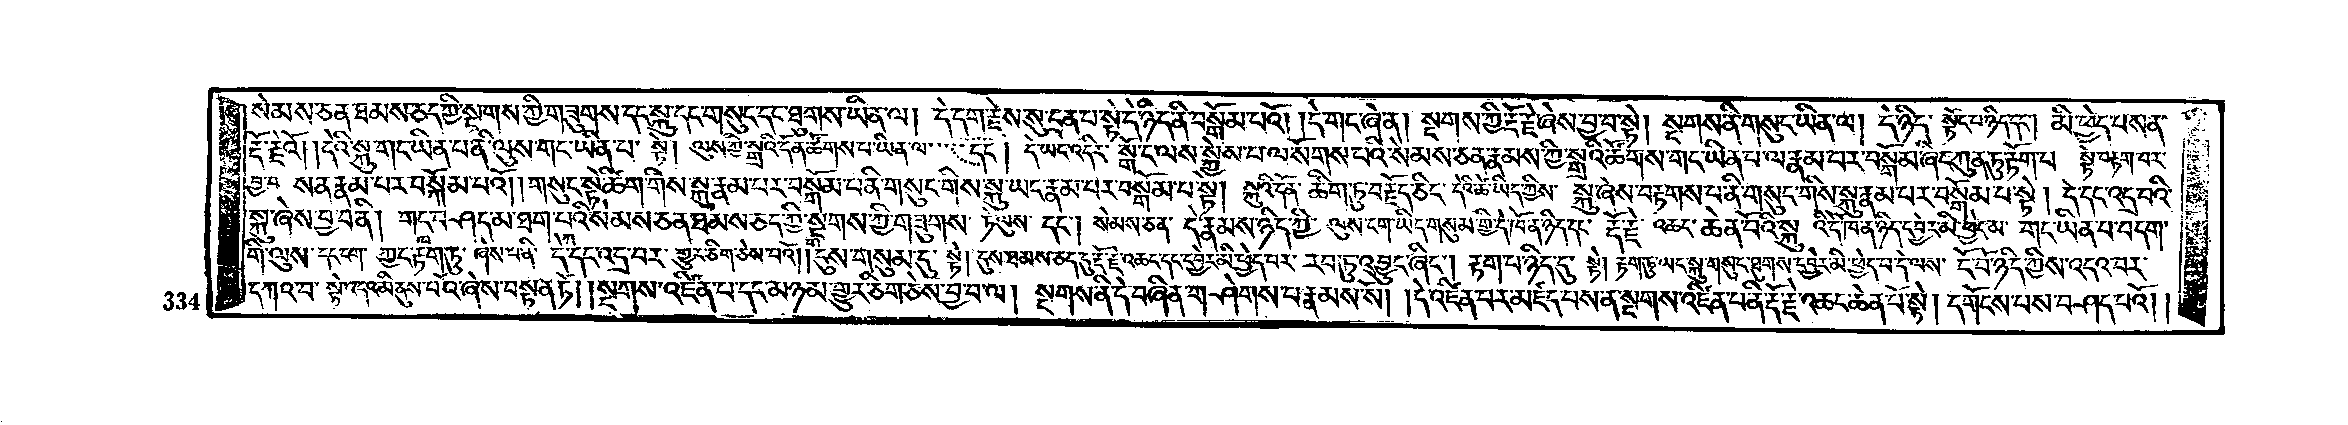སེམས་ཅན་ཐམས་ཅད་ཀྱི་སྔགས་ཀྱི་གཟུགས་དང་སྐུ་དང་གསུང་དང་ཐུགས་ཡིན་ལ། དེ་དག་རྗེས་སུ་དྲན་པ་སྟེ་དེ་ཉིད་ནི་བསྒོམ་པའོ། །དེ་གང་ཞེ་ན། སྔགས་ཀྱི་རྡོ་རྗེ་ཞེས་བྱ་བ་སྟེ། སྔགས་ནི་གསུང་ཡིན་ལ། དེ་ཉིད་སྟོང་པ་ཉིད་དང། མི་ཕྱེད་པས་ན་
རྡོ་རྗེའོ། །དེའི་སྐུ་གང་ཡིན་པ་ནི་ལུས་གང་ཡིན་པ་སྟེ། ལུས་ཀྱི་སྒྲའི་དོན་ཚོགས་པ་ཡིན་ལ་དང་། དེ་ཡང་འདིར་སྒོ་ང་ལས་སྐྱེས་པ་ལ་སོགས་པའི་སེམས་ཅན་རྣམས་ཀྱི་སྒྲའི་ཚོགས་གང་ཡིན་པ་ལ་རྣམ་པར་བསྒོམ་ཞིང་ཀུན་ཏུ་རྟོག་པ་སྟེ་བརྟག་པར་
བྱ་བ་ས་ན་རྣམ་པར་བསྒོམ་པའོ། །གསུང་སྟེ་ཚིག་གིས་སྐུ་རྣམ་པར་བསྒོམ་པ་ནི་གསུང་གིས་སྐུ་ཡང་རྣམ་པར་བསྒོམ་པ་སྟེ། སྐུའི་དོན་ཚིག་ཏུ་བརྗོད་ཅིང་དེའི་ཚེ་ཡིད་ཀྱིས་སྐུ་ཞེས་བརྟགས་པ་ནི་གསུང་གིས་སྐུ་རྣམ་པར་བསྒོམ་པ་སྟེ། དེ་དང་འདྲ་བའི་
སྐུ་ཞེས་བྱ་བ་ནི། གང་བཤད་མ་ཐག་པའི་སེམས་ཅན་ཐམས་ཅད་ཀྱི་སྔགས་ཀྱི་གཟུགས་ཏེ་ལུས་དང་། སེམས་ཅན་དེ་རྣམས་ཉིད་ཀྱི་ལུས་ངག་ཡིད་གསུམ་གྱི་དེ་ཁོ་ན་ཉིད་དང་རྡོ་རྗེ་འཆང་ཆེན་པོའི་སྐུའི་དེ་ཁོ་ན་ཉིད་དབྱེར་མི་ཕྱེད་པ་གང་ཡིན་པ་བདག་
གི་ལུས་དང་ངག་ཀྱང་ཁ་རྟག་ཏུ་ཞེས་པ་ནི་ཀ་དེ་དང་འདྲ་བར་གྱུར་ཅིག་ཅེས་པའོ། ། ག་དུས་གསུམ་དུ་སྟེ། དུས་ཐམས་ཅད་དུ་རྡོ་རྗེ་འཆང་དང་དབྱེར་མི་ཕྱེད་པར་རབ་ཏུ་འབྱུང་ཞིང་། རྟག་པ་ཉིད་དུ་སྟེ། རྟག་ཏུ་ཡང་སྐུ་གསུང་ཐུགས་དབྱེར་མི་ཕྱེད་པ་དེ་ལས་ངོ་བོ་ཉིད་ཀྱིས་འདའ་བར་
དཀའ་བ་སྟེ་འདའ་མི་ནུས་པའོ་ཞེས་བསྟན་ཏོ། །སྔགས་འཛིན་པ་དང་མཉམ་གྱུར་ཅིག་ཅེས་བྱ་བ་ལ། སྔགས་ནི་དེ་བཞིན་གཤེགས་པ་རྣམས་སོ། །དེ་འཛིན་པར་མཛད་པས་ན་སྔགས་འཛིན་པ་ནི་རྡོ་རྗེ་འཆང་ཆེན་པོ་སྟེ། དགོངས་པས་བཤད་པའོ། །